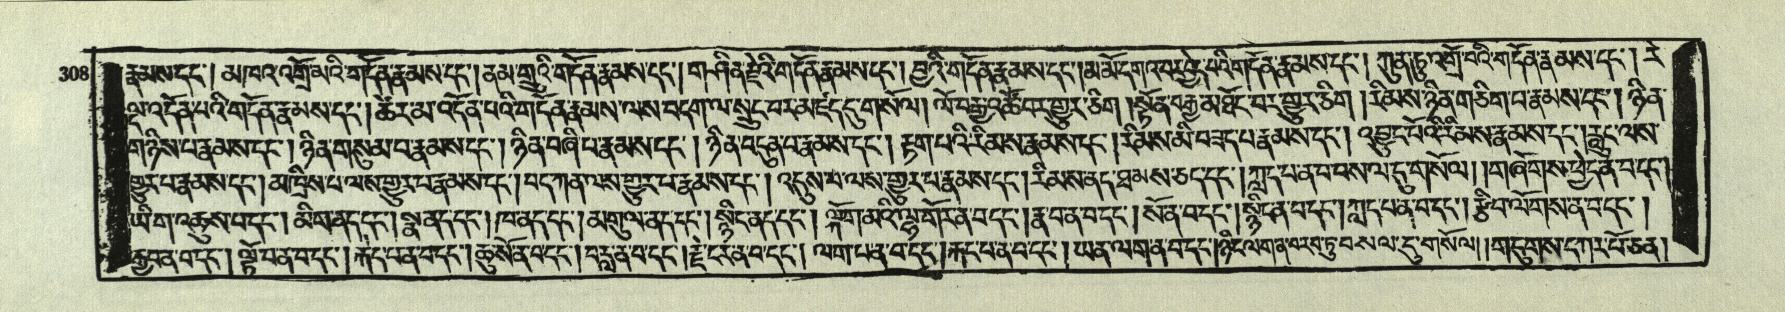རྣམས་དང་།མཁའ་འགྲོ་མའི་གདོན་རྣམས་དང་།རྣམ་གྲུའི་གདོན་རྣམས་དང་།གཤིན་རྗེའི་གདོན་རྣམས་དང་།བྱའི་གདོན་རྣམས་དང་།མ་མོ་དགའ་བར་བྱེད་པའི་གདོན་རྣམས་དང་།ཀུན་ཏུ་འགྲོ་བའི་གདོན་རྣམས་དང་།རེ་
ལྡ་འདོན་པའི་གདོན་རྣམས་དང་།ཚེར་མ་འདོན་པའི་གདོན་རྣམས་ལས་བདག་ལ་སྲུང་བར་མཛད་དུ་གསོལ་།ལོ་བརྒྱ་འཚོ་བར་གྱུར་ཅིག །སྟོན་བརྒྱ་མཐོང་བར་གྱུར་ཅིག །རིམས་ཉིན་གཅིག་བ་རྣམས་དང་།ཉིན་
གཉིས་པ་རྣམས་དང་།ཉིན་གསུམ་པ་རྣམས་དང་།ཉིན་བཞི་པ་རྣམས་དང་།ཉིན་བདུན་པ་རྣམས་དང་།རྟག་པའི་རིམས་རྣམས་དང་།རིམས་མི་བཟད་པ་རྣམས་དང་།འབྱུང་པོའི་རིམས་རྣམས་དང་།རླུང་ལས་
གྱུར་པ་རྣམས་དང་།མཁྲིས་པ་ལས་གྱུར་པ་རྣམས་དང་།བད་ཀན་ལས་གྱུར་པ་རྣམས་དང་།འདུས་པ་ལས་གྱུར་པ་རྣམས་དང་།རིམས་ནད་ཐམས་ཅད་དང་།ཀླད་པ་ནབ་བསལ་དུ་གསོལ། །གཞོགས་ཕྱེད་ན་བ་དང་།
ཡི་ག་འཆུས་པ་དང་།མིག་ནད་དང་།སྣ་ནད་དང་།ཁ་ནད་དང་། མགུལ་ནད་དང་།སྙིང་ནད་དང་།ལྐོག་མའི་ལྷ་གོར་ན་བ་དང་། རྣ་བ་ན་བ་དང་།སོ་ན་བ་དང་།སྙིང་ན་པ་དང་།ཀླད་པ་ན་བ་དང་།རྩིབ་ལོགས་ན་བ་དང་།
རྒྱབ་ན་བ་དང་།ལྟོ་བ་ན་བ་དང་།རྐེད་པ་ན་བ་དང་།ཆུ་སོ་ན་བ་དང་།བརླ་ན་བ་དང་།རྗེ་ངར་ན་བ་དང་།ལག་པ་ན་བ་དང་།རྐང་པ་ན་བ་དང་།ཡན་ལག་ན་བ་དང་།ཉིང་ལག་ན་བ་རབ་ཏུ་བསལ་དུ་གསོལ། །གདུགས་དཀར་པོ་ཅན།